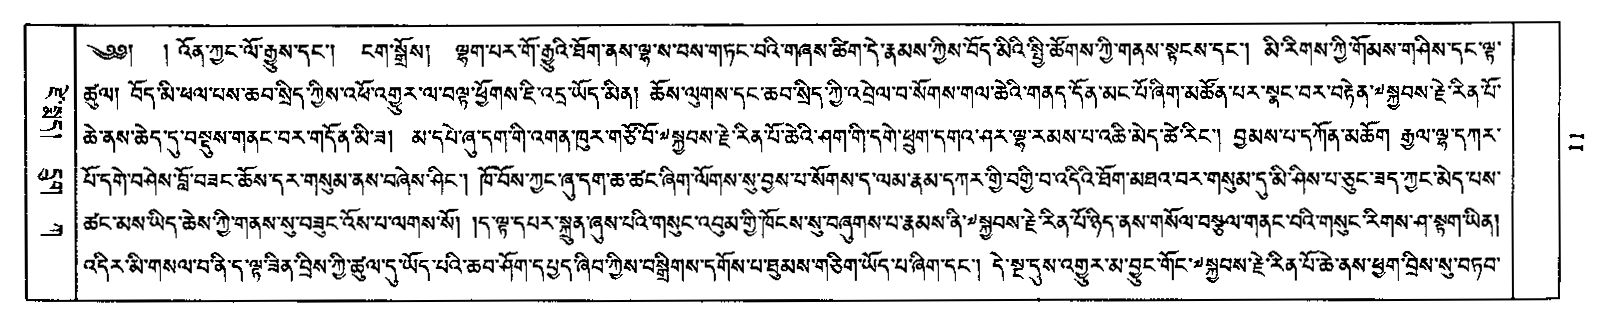༄༅། །འོན་ཀྱང་ལོ་རྒྱུས་དང་། ངག་སྒྲོས། ལྷག་པར་གོ་རྒྱུའི་ཐོག་ནས་ལྷ་ས་བས་གཏང་བའི་གཞས་ཚིག་དེ་རྣམས་ཀྱིས་བོད་མིའི་སྤྱི་ཚོགས་ཀྱི་གནས་སྟངས་དང་། མི་རིགས་ཀྱི་གོམས་གཤིས་དང་ལྟ་
ཚུལ། བོད་མི་ཕལ་པས་ཆབ་སྲིད་ཀྱིས་འཕོ་འགྱུར་ལ་བལྟ་ཕྱོགས་ཇི་འདྲ་ཡོད་མིན། ཆོས་ལུགས་དང་ཆབ་སྲིད་ཀྱི་འབྲེལ་བ་སོགས་གལ་ཆེའི་གནད་དོན་མང་པོ་ཞིག་མཚོན་པར་སྣང་བར་བརྟེན་༧་སྐྱབས་རྗེ་རིན་པོ་
ཆེ་ནས་ཆེད་དུ་བསྡུས་གནང་བར་གདོན་མི་ཟ། མ་དཔེ་ཞུ་དག་གི་འགན་ཁུར་གཙོ་བོ་༧་སྐྱབས་རྗེ་རིན་པོ་ཆེའི་ཤག་གི་དགེ་ཕྲུག་དགའ་ཤར་ལྷ་རམས་པ་འཆི་མེད་ཚེ་རིང་། བྱམས་པ་དཀོན་མཆོག་རྒྱལ་ལྷ་དཀར་
པོ་དགེ་བཤེས་བློ་བཟང་ཆོས་དར་གསུམ་ནས་བཞེས་ཤིང་། ཁོ་བོས་ཀྱང་ཞུ་དག་ཆ་ཚང་ཞིག་ལོགས་སུ་བྱས་པ་སོགས་ད་ལམ་རྣམ་དཀར་གྱི་བགྱི་བ་འདིའི་ཐོག་མཐའ་བར་གསུམ་དུ་མི་ཤིས་པ་ཅུང་ཟད་ཀྱང་མེད་པས་
ཚང་མས་ཡིད་ཆེས་ཀྱི་གནས་སུ་བཟུང་འོས་པ་ལགས་སོ། །ད་ལྟ་དཔར་སྐྲུན་ཞུས་པའི་གསུང་འབུམ་གྱི་ཁོངས་སུ་བཞུགས་པ་རྣམས་ནི་༧་སྐྱབས་རྗེ་རིན་པོ་ཉིད་ནས་གསོལ་བསྩལ་གནང་བའི་གསུང་རིགས་ཤ་སྟག་ཡིན།
འདིར་མི་གསལ་བ་ནི་ད་ལྟ་ཟིན་བྲིས་ཀྱི་ཚུལ་དུ་ཡོད་པའི་ཆབ་ཤོག་དཔྱད་ཞིབ་ཀྱིས་བསྒྲིགས་དགོས་པ་ཐུམས་གཅིག་ཡོད་པ་ཞིག་དང་། དེ་སྔ་དུས་འགྱུར་མ་བྱུང་གོང་༧་སྐྱབས་རྗེ་རིན་པོ་ཆེ་ནས་ཕྱག་བྲིས་སུ་བཏབ་